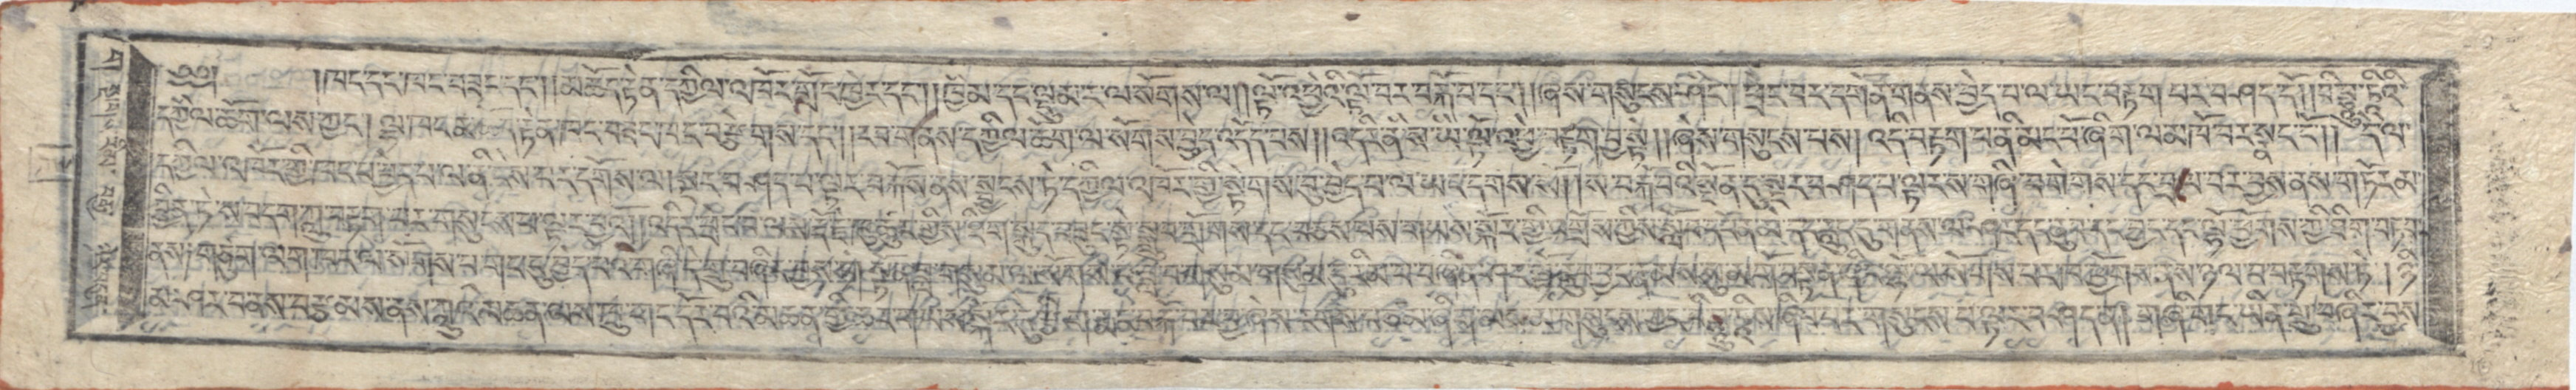༄༅། །ཁང་དང་ཁང་བཟང་དང་། །མཆོད་རྟེན་དཀྱིལ་འཁོར་གྲོང་ཁྱེར་དང་། །ཁྱིམ་དང་ལྡུམ་ར་ལ་སོགས་ལ། །ལྟོ་འཕྱེའི་ལྟོ་བར་བརྐོ་བ་དང་། །ཞེས་གསུངས་ཤིང་། ཕྲེང་བར་དགོན་གནས་བྱེད་པ་ལ་ཡང་བརྟག་པར་བཤད་དོ། །བི་བྷཱུ་ཏཱིའི་
དཀྱིལ་ཆོག་ལས་ཀྱང་། ལྷ་ཁང་མཆོད་རྟེན་ཁང་བཟང་ཁང་བརྩེགས་དང་། །རབ་གནས་དཀྱིལ་ཆོག་ལ་སོགས་བྱེད་འདོད་པས། །འདིར་ནི་ས་ཡི་ལྟོ་འཕྱེ་བརྟག་བྱ་སྟེ། །ཞེས་གསུངས་པས། འདི་བརྟག་པ་ནི་མང་པོ་ཞིག་ལ་མཁོ་བར་སྣང་ངོ། །དེ་ལ་
དཀྱིལ་འཁོར་གྱི་ཁང་པ་བྱེད་པ་ལ་ནི་ངེས་པར་དགོས་ལ། སྔར་བཤད་པ་ལྟར་བརྐོས་ནས་སྦྱངས་ཏེ་དཀྱིལ་འཁོར་གྱི་སྟེགས་བུ་བྱེད་པ་ལ་ཡང་དགོས་སོ། །ས་བརྐོ་བའི་སྔོན་དུ་སྔར་བཤད་པ་ལྟར་ས་གཞི་བགེགས་དང་བྲལ་བར་བྱས་ནས་གཏོར་མ་
བྱིན་ཏེ་ས་བདག་ཀླུ་བརྟག་པར་གསུངས་པ་ལྟར་བྱའོ། །འདིར་ཕྲེང་བ་ལས་རྡོ་རྗེ་ཁུ་ཚུར་གྱིས་ཐིག་སྐུད་བཟུང་སྟེ་སྒྲུབ་གྲོགས་དང་བཅས་པས་གཡས་སྐོར་གྱི་འགྲོས་ཀྱིས་སློབ་དཔོན་མེ་དང་རླུང་དུ་གནས་ལ་ཤར་དང་ནུབ་དང་བྱང་དང་ལྷོ་ཕྱོགས་ཀྱི་ཐིག་བཏབ་
ནས༑ གཙུག་ལག་ཁང་ལ་སོགས་པ་གང་དུ་བྱེད་པའི་གཞི་དེ་གྲུ་བཞིར་བྱས་ཏེ། སྟོན་ཟླ་གསུམ་ལ་སོགས་པ་ཟླ་བ་གསུམ་གསུམ་དུ་རིམ་པ་བཞིན་ཤར་ལྷོ་ནུབ་བྱང་རྣམས་སུ་མགོ་བསྟན་ཞིང་ལྷོ་ལ་སོགས་པར་ཁ་ཕྱོགས་ནས་ཉལ་བ་བརྟགས་ཏེ། ཉི་
མ་ཤར་བ་ནས་བརྩམས་ནས་ཀླུའི་མཚན་ལས་ཁྲུ་གང་དོར་བའི་མཚན་གྱི་ཆར་གཡས་སྐོར་དུ་རྩིག་རྨང་བརྐོ་བར་བྱ་ཞེས་རགས་པ་ཙམ་ཞིག་ལས་མ་གསུངས་ཀྱང་བི་བྷཱུ་ཏཱིས་ཞིབ་པར་གསུངས་པ་ལྟར་བཤད་ན། གཞི་གང་ཡིན་གྲུ་བཞིར་བྱས་